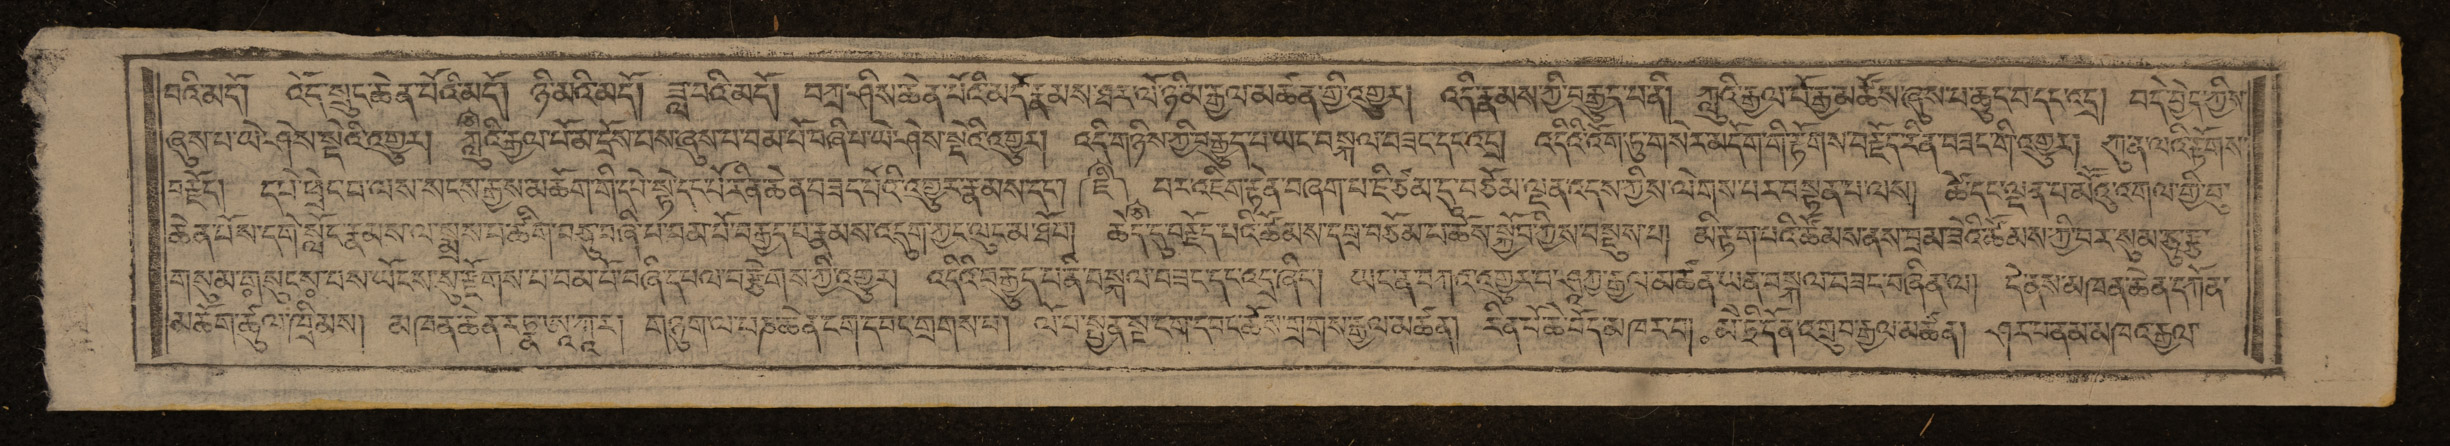བའི་མདོ། འོད་སྲུང་ཆེན་པོའི་མདོ། ཉི་མའི་མདོ། ཟླ་བའི་མདོ། བཀྲ་ཤིས་ཆེན་པོའི་མདོ་རྣམས་ཐར་ལོ་ཉི་མ་རྒྱལ་མཚན་གྱི་འགྱུར། འདི་རྣམས་ཀྱི་བརྒྱུད་པ་ནི། ཀླུའི་རྒྱལ་པོ་རྒྱ་མཚོས་ཞུས་པ་ཆུད་བ་དང་འདྲ། བདེ་བྱེད་ཀྱིས་
ཞུས་པ་ཡེ་ཤེས་སྡེའི་འགྱུར། ཅ་ཀླུའི་རྒྱལ་པོ་མ་དྲོས་པས་ཞུས་པ་བམ་པོ་བཞི་པ་ཡེ་ཤེས་སྡེའི་འགྱུར། འདི་གཉིས་ཀྱི་བརྒྱུད་པ་ཡང་བསྐལ་བཟང་དང་འདྲ། འདིའི་འོག་ཏུ་གསེར་མདོག་གི་རྟོགས་བརྗོད་རིན་བཟང་གི་འགྱུར། ཀུན་ལའི་རྟོགས་
བརྗོད། དཔེ་ཕྲེང་བ་ལས་སངས་རྒྱས་མཆོག་གི་དཔེ་སྟེ་དང་པོ་རིན་ཆེན་བཟང་པོའི་འགྱུར་རྣམས་དང་། {ཇི}་པར་འཇིག་རྟེན་བཞག་པ་ཇི་ཙམ་དུ་བཅོམ་ལྡན་འདས་ཀྱིས་ལེགས་པར་བསྟན་པ་ལས། ཚེ་དང་ལྡན་པ་མོའུ་འགལ་གྱི་བུ་
ཆེན་པོས་དགེ་སློང་རྣམས་ལ་སྨྲས་པ་ཚིག་བཅུ་བཞི་པ་བམ་པོ་བརྒྱད་པ་རྣམས་འདུག་ཀྱང་ལུང་མ་ཐོབ། ཆེད་དུ་བརྗོད་པའི་ཚོམས་དགྲ་བཅོམ་པ་ཆོས་སྐྱོབ་ཀྱིས་བསྡུས་པ། མི་རྟག་པའི་ཚོམས་ནས་བྲམ་ཟེའི་ཚོམས་ཀྱི་བར་སུམ་ཅུ་རྒྱ་
གསུམ་གསུངས་པས་ཡོངས་སུ་རྫོགས་པ་བམ་པོ་བཞི་དཔལ་བརྩེགས་ཀྱི་འགྱུར། འདིའི་བརྒྱུད་པ་ནི་བསྐལ་བཟང་དང་འདྲ་བཞིང་། ཡང་ན་བཀའ་འགྱུར་བ་ཤཱཀྱ་རྒྱལ་མཚན་ཡན་བསྐལ་བཟང་བཞིན་ལ། དེ་ནས་མཁན་ཆེན་དཀོན་
མཆོག་ཚུལ་ཁྲིམས། མཁན་ཆེན་རཏྣ་ཨཱ་ཀཱ་ར། གཉུག་ལ་པཎ་ཆེན་ངག་དབང་གྲགས་པ། ལོ་པ་སྤྱན་སྔ་ངག་དབང་ཆོས་གྲགས་རྒྱལ་མཚན། རིན་པོ་ཆེ་བོད་མཁར་བ། མཻ་ཏྲི་དོན་འགྲུབ་རྒྱལ་མཚན། ཤར་པ་ནམ་མཁའ་རྒྱལ་